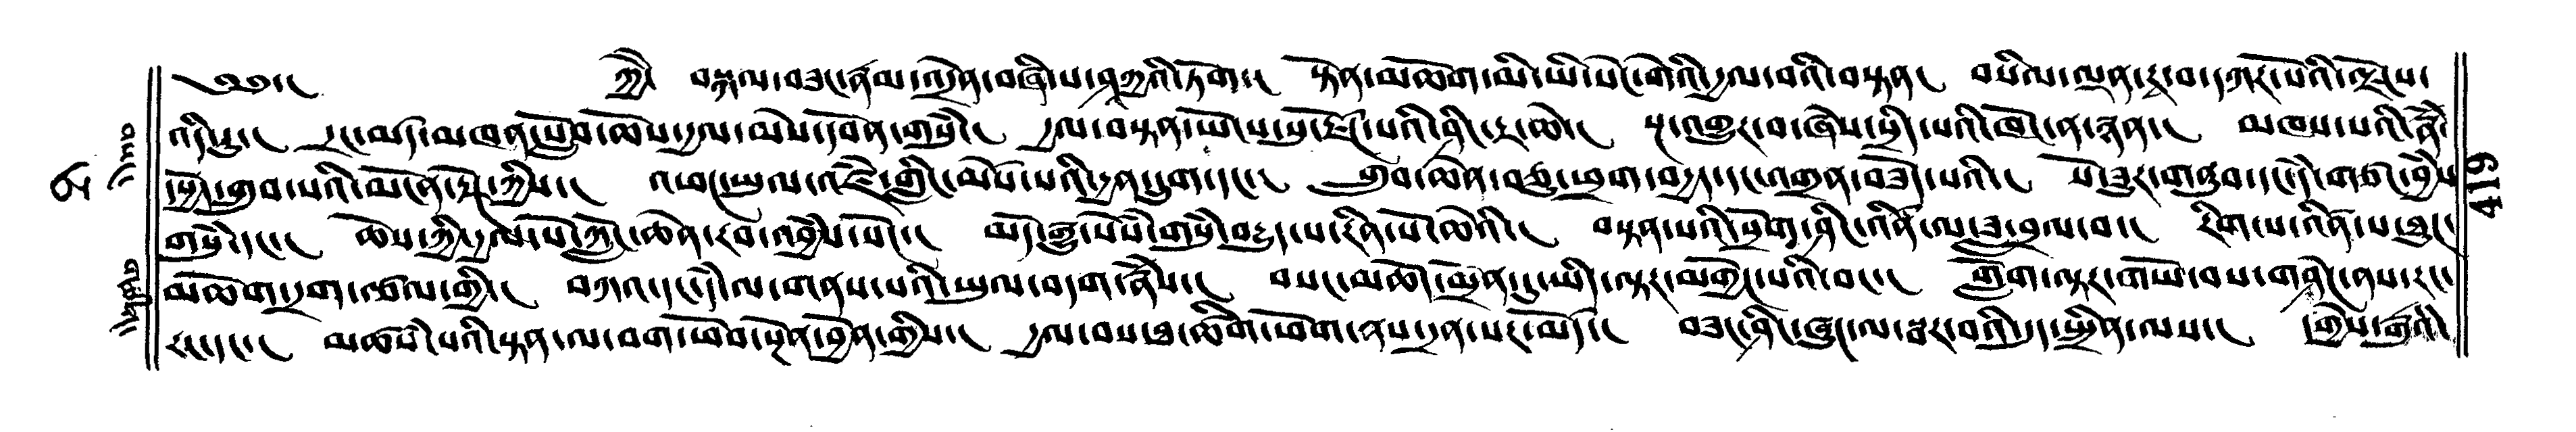༄༅། ཀྱཻ། བསྐལ་བཟང་རྣམ་འདྲེན་བཞི་པ་ཤཱཀྱའི་ཏོག །སྟོན་མཆོག་མི་ཡི་སེང་གེའི་རྒྱལ་བའི་བསྟན། །བསིལ་ལྡན་རྭ་བ་དཀར་པོའི་ལྗོངས་
འདི་རུ། །འདྲེན་མཛད་མཁན་སློབ་ཆོས་རྒྱལ་མེས་དབོན་གསུམ། །རྒྱལ་བསྟན་ཡོངས་སུ་རྫོགས་པའི་ཤིང་རྟ་ཆེ། །སྔ་འགྱུར་བ་ཞེས་སྲིད་པའི་ཁོང་ན་སྙན། །མཁས་པའི་རྣམ་
དཔྱོད་གྲུབ་པའི་མངོན་རྟོགས་ཀྱིས། །འཕགས་ཡུལ་འཛམ་གླིང་མཛེས་པའི་རྒྱན་དྲུག་དང་། །གྲུབ་ཆེན་བཅུ་ཕྲག་བརྒྱད་དང་འགྲན་བཟོད་པའི། །སོ་ཟུར་གནུབས་དང་དམ་གཙང་བྱམས་
གསུམ་དང་། །ཆོས་ཀྱི་རྒྱལ་པོ་ཀློང་ཆེན་རབ་འབྱམས་སོགས། །མདོ་སྒྱུ་སེམས་གསུམ་བརྒྱུད་པ་རིན་པོ་ཆེའི། །བསྟན་པའི་སྲོག་ཤིང་འཛིན་ལ་ཟླ་བྲལ་བ། །རིག་པ་འཛིན་པ་ཐུགས་
མཆོག་དྲག་རྩལ་གྱི། །བཀའ་དང་དམ་ལ་གནས་པའི་ཡུལ་བདག་རྣམས། །བསང་མཆོད་མགྲོན་དུ་ཡིད་ལྟར་མགྱོགས་པའི་བང་། །གློག་ལྟར་གཡོ་བས་གཤེགས་ནས་རང་
རང་དང་། །འཚམ་པའི་སྟན་ལ་བག་ཕོབ་སྔོན་བྱོན་གྱི། །རྒྱལ་བའི་ཐ་ཚིག་ཁོག་ནས་དྲན་པར་མཛོད་། །བཟང་ཤིང་ཞུགས་ལ་སྦར་བའི་དུད་སྤྲིན་ལས། །དགྱེས་རྒུའི་